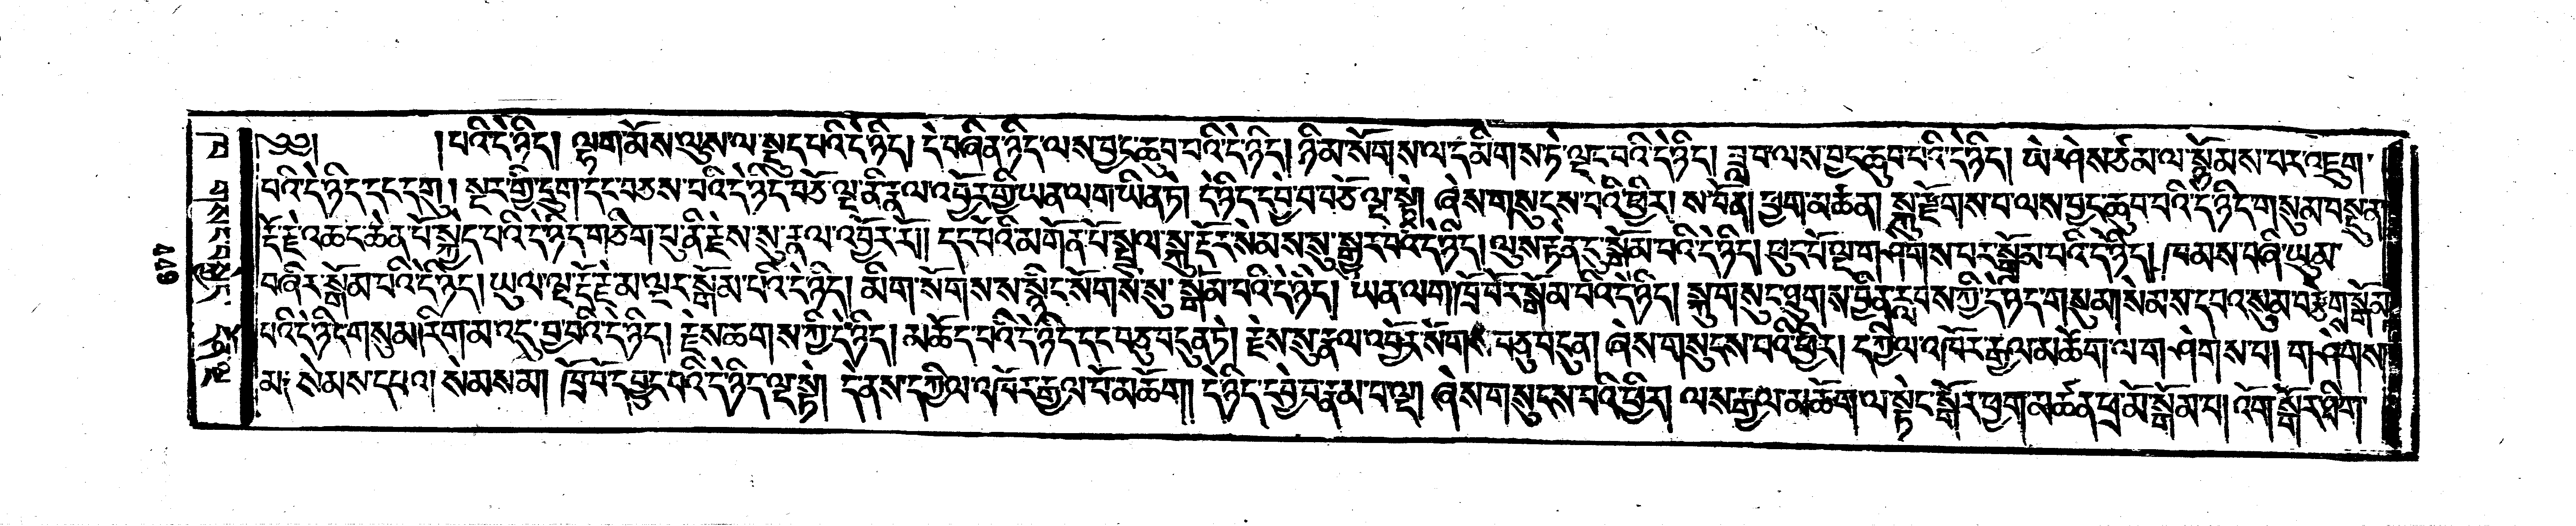༄༅། །པའི་དེ་ཉིད། ལྷག་མོས་ལུས་ལ་སྡུད་པའི་དེ་ཉིད། དེ་བཞིན་ཉིད་ལས་བྱང་ཆུབ་པའི་དེ་ཉིད། ཉི་མ་སོགས་ལ་དམིགས་ཏེ་ལྡང་བའི་དེ་ཉིད། ཟླ་བ་ལས་བྱང་ཆུབ་པའི་དེ་ཉིད། ཡེ་ཤེས་ཙམ་ལ་སྙོམས་པར་འཇུག་
པའི་དེ་ཉིད་དང་དགུ །སྔར་གྱི་དྲུག་དང་བཅས་པའི་དེ་ཉིད་བཅོ་ལྔ་ནི་རྣལ་འབྱོར་གྱི་ཡན་ལག་ཡིན་ཏེ། དེ་ཉིད་དབྱེ་བ་བཅོ་ལྔ་སྟེ། ཞེས་གསུངས་པའི་ཕྱིར། ས་བོན། ཕྱག་མཚན། སྐུ་རྫོགས་པ་ལས་བྱང་ཆུབ་པའི་དེ་ཉིད་གསུམ་བསྡུ་ན་
རྡོ་རྗེ་འཆང་ཆེན་པོ་སྐྱེད་པའི་དེ་ཉིད་གཅིག་པུ་ནི་རྗེས་སུ་རྣལ་འབྱོར་རོ། །དང་པོའི་མགོན་པོ་སྤྲུལ་སྐུ་རྡོར་སེམས་སུ་སྒྱུར་བའི་དེ་ཉིད། ལུས་རྟེན་དུ་སྒོམ་པའི་དེ་ཉིད། ཕུང་པོ་ལྔ་གཤེགས་པར་སྒོམ་པའི་དེ་ཉིད། ཁམས་བཞི་ཡུམ་
བཞིར་སྒོམ་པའི་དེ་ཉིད། ཡུལ་ལྔ་རྡོ་རྗེ་མ་ལྔར་སྒོམ་པའི་དེ་ཉིད། མིག་སོགས་ས་སྙིང་སོགས་སུ་སྒོམ་པའི་དེ་ཉིད། ཡན་ལག་ཁྲོ་བོར་སྒོམ་པའི་དེ་ཉིད། སྐུ་གསུང་ཐུགས་བྱིན་རླབས་ཀྱི་དེ་ཉིད་གསུམ། སེམས་དཔའ་སུམ་བརྩེགས་སྒོམ་
པའི་དེ་ཉིད་གསུམ། རིག་མ་འདུ་བྱ་བའི་དེ་ཉིད། རྗེས་ཆགས་ཀྱི་དེ་ཉིད། མཆོད་པའི་དེ་ཉིད་དང་བཅུ་བདུན་ཏེ། རྗེས་སུ་རྣལ་འབྱོར་སོགས་བཅུ་བདུན། ཞེས་གསུངས་པའི་ཕྱིར། དཀྱིལ་འཁོར་རྒྱལ་མཆོག་ལ་གཤེགས་པ། གཤེགས་
མ། སེམས་དཔའ། སེམས་མ། ཁྲོ་བོ་དབྱུང་བའི་དེ་ཉིད་ལྔ་སྟེ། དེ་ནས་དཀྱིལ་འཁོར་རྒྱལ་པོ་མཆོག །དེ་ཉིད་དབྱེ་བ་རྣམ་པ་ལྔ། ཞེས་གསུངས་པའི་ཕྱིར། ལས་རྒྱལ་མཆོག་ལ་སྟེང་སྒོར་ཕྱག་མཚན་ཕྲ་མོ་སྒོམ་པ། འོག་སྒོར་ཐིག་